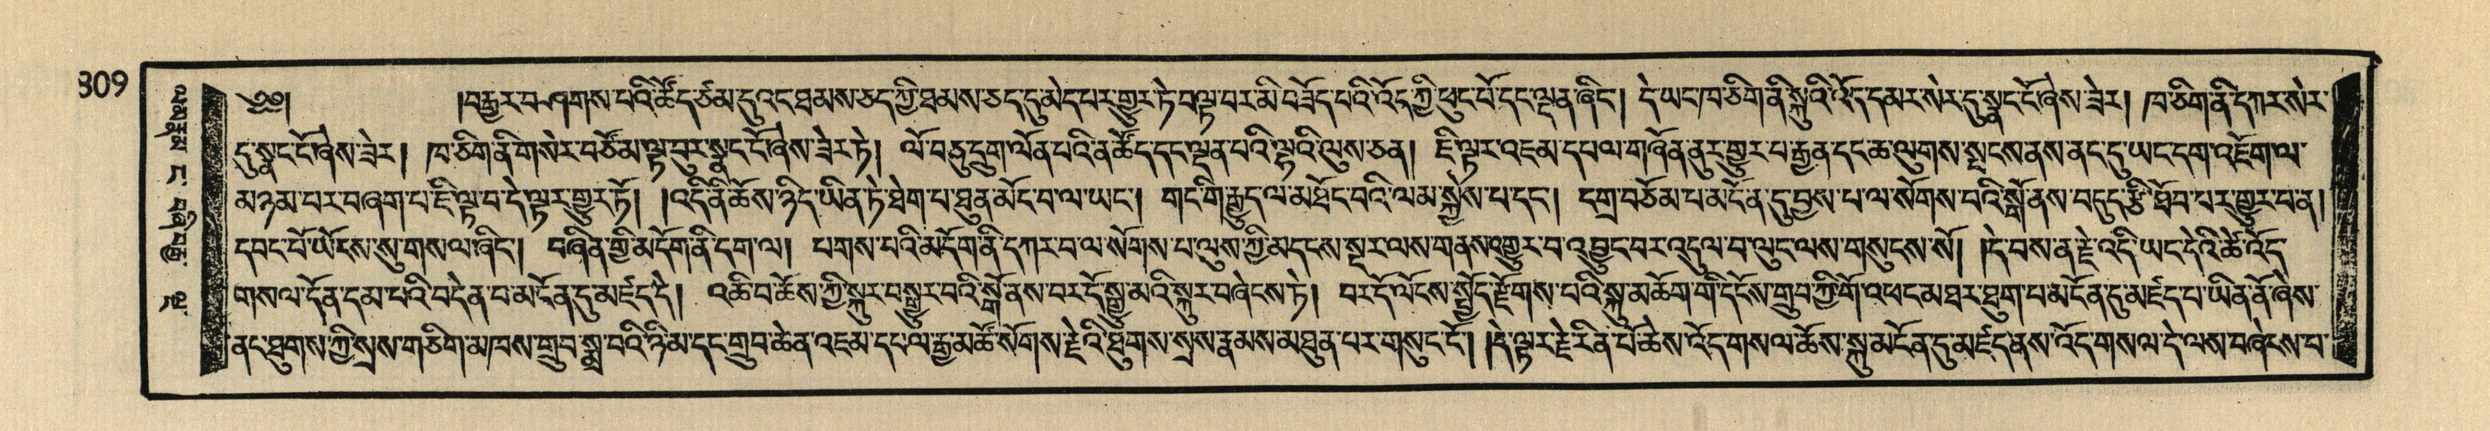༄༅། །བརྒྱར་བཤགས་པའི་ཚོད་ཙམ་དུའང་ཐམས་ཅད་ཀྱི་ཐམས་ཅད་དུ་མེད་པར་གྱུར་ཏེ་བལྟ་བར་མི་བཟོད་པའི་འོད་ཀྱི་ཕུང་པོ་དང་ལྡན་ཞིང་། དེ་ཡང་ཁ་ཅིག་ནི་སྐུའི་འོད་དམར་སེར་དུ་སྣང་ངོ་ཞེས་ཟེར། ཁ་ཅིག་ནི་དཀར་སེར་
དུ་སྣང་ངོ་ཞེས་ཟེར། ཁ་ཅིག་ནི་གསེར་བཙོམ་ལྟ་བུར་སྣང་ངོ་ཞེས་ཟེར་ཏེ། ལོ་བཅུ་དྲུག་ལོན་པའི་ན་ཚོད་དང་ལྡན་པའི་ལྷའི་ལུས་ཅན། ཇི་ལྟར་འཇམ་དཔལ་གཞོན་ནུར་གྱུར་པ་རྒྱན་དང་ཆ་ལུགས་སྤངས་ནས་ནང་དུ་ཡང་དག་འཇོག་ལ་
མཉམ་པར་བཞག་པ་ཇི་ལྟ་བ་དེ་ལྟར་གྱུར་ཏོ། །འདི་ནི་ཆོས་ཉིད་ཡིན་ཏེ་ཐེག་པ་ཐུན་མོང་བ་ལ་ཡང་། གང་གི་རྒྱུད་ལ་མཐོང་བའི་ལམ་སྐྱེས་པ་དང་། དགྲ་བཅོམ་པ་མངོན་དུ་བྱས་པ་ལ་སོགས་བའི་སྒོ་ནས་བདུད་རྩི་ཐོབ་པར་གྱུར་པ་ན།
དབང་པོ་ཡོངས་སུ་གསལ་ཞིང་། བཞིན་གྱི་མདོག་ནི་དག་ལ། པགས་པའི་མདོག་ནི་དཀར་བ་ལ་སོགས་པ་ལུས་ཀྱི་མདངས་སྔར་ལས་གནས་འགྱུར་བ་འབྱུང་བར་འདུལ་བ་ལུང་ལས་གསུངས་སོ། །དེ་བས་ན་རྗེ་འདི་ཡང་དེའི་ཚེ་འོད་
གསལ་དོན་དམ་པའི་བདེན་བ་མངོན་དུ་མཛད་དེ། འཆི་བ་ཆོས་ཀྱི་སྐུར་བསྒྱུར་བའི་སྒོ་ནས་བར་དོ་སྒྱུ་མའི་སྐུར་བཞེངས་ཏེ། བར་དོ་ལོངས་སྤྱོད་རྫོགས་པའི་སྐུ་མཆོག་གི་དངོས་གྲུབ་ཀྱི་གོ་འཕང་མཐར་ཐུག་པ་མངོན་དུ་མཛད་པ་ཡིན་ནོ་ཞེས་
ནང་ཐུགས་ཀྱི་སྲས་གཅིག་མཁས་གྲུབ་སྨྲ་བའི་ཉི་མ་དང་གྲུབ་ཆེན་འཇམ་དཔལ་རྒྱ་མཚོ་སོགས་རྗེའི་ཐུགས་སྲས་རྣམས་མཐུན་པར་གསུང་ངོ། །དེ་ལྟར་རྗེ་རིན་པོ་ཆེས་འོད་གསལ་ཆོས་སྐུ་མངོན་དུ་མཛད་ནས་འོད་གསལ་དེ་ལས་བཞེངས་པ་